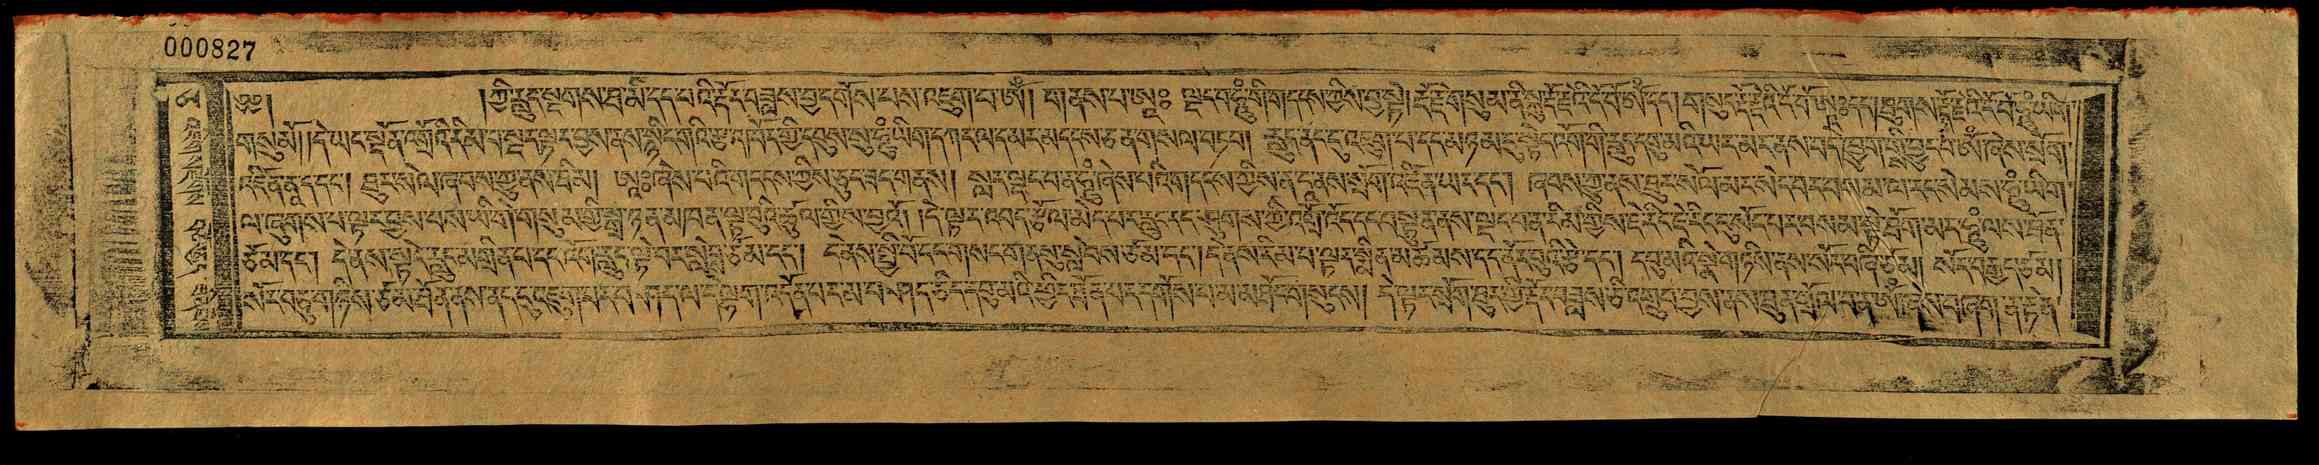༄༅། །ཀྱི་རླུང་སྔགས་ཐ་མི་དད་པའི་རྡོར་བཟླས་བྱ་དགོས་པས་འཇུག་པ་ཨོཾ། གནས་པ་ཨཱཿ ལྡང་བ་ཧཱུཾ་གི་གདངས་ཀྱིས་བྱ་སྟེ། རྡོ་རྗེ་གསུམ་ནི་སྐུ་རྡོ་རྗེའི་ངོ་བོ་ཨོཾ་དང་། གསུང་རྡོ་རྗེའི་ངོ་བོ་ཨཱཿ དང་། ཐུགས་རྡོ་རྗེའི་ངོ་བོ་ཧཱུཾ་ཡིག་
གསུམ་མོ། །དེ་ཡང་སྔོན་འགྲོའི་རིམ་པ་ལྟར་བྱས་ནས་སྙིང་གའི་རྩ་འཁོར་གྱི་དབུས་སུ་ཧཱུཾ་ཡིག་དཀར་ལ་དམར་མདངས་ཅན་གསལ་བཏབ། རླུང་ནང་དུ་འཇུག་པ་དང་མཉམ་དུ་སྟེང་འོག་གི་རླུང་དབུ་མའི་ཡར་མར་ནས་བདེ་ཁྱུག་གིས་བྱུང་བ་ཨོཾ་ཞེས་སྲོག་
འཛིན་ནཱ་དད་དང་། ཐུར་སེལ་ཞབས་ཀྱུ་ནས་ཐིམ། ཨཱཿ ཞེས་པའི་གདངས་ཀྱིས་ཅུང་ཟད་གནས། སླར་ལྡང་བ་ན་ཧཱུཾ་ཞེས་པའི་གདངས་ཀྱིས་ན་དཱ་ནས་སྲོག་འཛིན་ཡར་དང་། ཞབས་ཀྱུ་ནས་ཐུར་སེལ་མར་སོང་བར་བསམ་ལ་རང་སེམས་ཧཱུཾ་ཡིག་
ལ་ཞུགས་པ་ལྟར་བྱས་པས་ཡི་གེ་གསུམ་གྱི་སྒྲ་ཉན་མཁན་ལྟ་བུའི་ཚུལ་གྱིས་བྱའོ། །དེ་ལྟར་འབད་རྩོལ་མེད་པ་རླུང་དང་ཤུགས་ཀྱི་འགྲོ་འོང་དང་བསྟུན་ནས་ལྡང་བ་ན་རིམ་གྱིས་ཇེ་རིང་ཇེ་རིང་དུ་སོང་བར་བསམ་སྟེ་ཐོག་མར་ཧཱུཾ་ལས་ཐོན་
ཙམ་དང་། དེ་ནས་སྟེང་རླུང་མགྲིན་པ་དང་འོག་རླུང་ལྟེ་བར་སླེབས་ཙམ་དང་། དེ་ནས་སྤྱི་བོ་དང་གསང་གནས་སུ་སླེབས་ཙམ་དང་། དེ་ནས་རིམ་པ་ལྟར་སྨིན་མཚམས་དང་ནོར་བུའི་ཙེ་དང་། དབུ་མའི་སྣེ་གཉིས་ནས་སོར་བཞི་ཙམ། སོར་བརྒྱད་ཙམ།
སོར་བཅུ་གཉིས་ཙམ་ཐོན་ནས་ནང་དུ་འཇུག་པར་བཤད་ལ་དེ་ལྷག་འདོན་པར་མ་བཤད་ཅིང་དབུ་མའི་ཕྱིར་ཐོན་པར་དགོས་པ་མ་མཐོང་གསུངས། དེ་ལྟར་སྲོག་ཐུར་གྱི་རྡོར་བཟླས་ཅི་འགྲུབ་བྱས་ནས་ཐུན་གྲོལ་བ་ན་ཨོཾ་ཞེས་བཞག་ན་རྟེན་